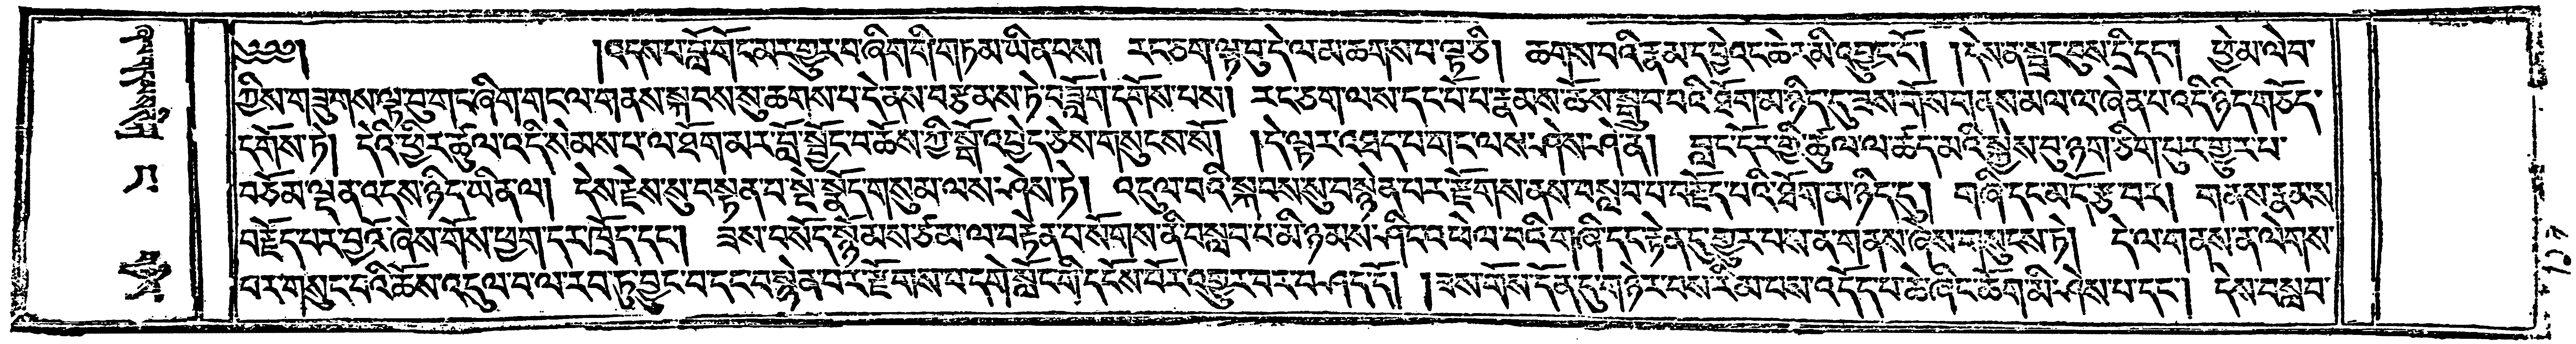༄༅༅། །འདས་པ་བློ་གོང་མར་གྱུར་པ་ཞིག་གི་གཏམ་ཡིན་པས། རང་ཅག་ལྟ་བུ་དེ་ལ་མ་ཆགས་པ་ལྟ་ཅི། ཆགས་པའི་རྣམ་དབྱེའང་ཆེར་མི་འབྱུང་ངོ། །དེས་ན་སྦྲང་བུས་དྲི་དང་། ཕྱེ་མ་ལེབ་
ཀྱིས་གཟུགས་ལྟ་བུ་གང་ཞིག་གང་ལ་གནས་སྐབས་སུ་ཆགས་པ་དེ་ནས་བརྩམས་ཏེ་བཟློག་དགོས་པས། རང་ཅག་ལས་དང་པོ་པ་རྣམས་ཆོས་སྒྲུབ་པའི་ཐོག་མ་ཉིད་དུ་ཟས་གོས་གནས་མལ་ལ་ཞེན་པ་འདི་ཉིད་གཅོད་
དགོས་ཏེ། དེའི་ཕྱིར་ཚུལ་འདི་སེམས་པ་ལ་ཐོག་མར་བློ་སྦྱོང་བ་ཆོས་ཀྱི་སྒོ་འབྱེད་ཅེས་གསུགནས་སོ། །དེ་ལྟར་འཐད་པ་གང་ལས་ཤེས་ཤེ་ན། བླང་དོར་གྱི་ཚུལ་ལ་ཚད་མའི་སྐྱེས་བུ་ཉག་ཅིག་པུར་གྱུར་པ་
བཅོམ་ལྡན་འདས་ཉིད་ཡིན་ལ། དེས་རྗེས་སུ་བསྟན་པ་སྡེ་སྣོད་གསུམ་ལས་ཤེས་ཏེ། འདུལ་བའི་སྐབས་སུ་བསྙེན་པར་རྫོགས་ནས་བསླབ་པ་བརྗོད་པའི་ཐོག་མ་ཉིད་དུ། གཞི་དང་མདོ་རྩ་བར། གནས་རྣམས་
བརྗོད་པར་བྱའོ་ཞེས་གོས་ཕྱག་དར་ཁྲོད་དང་། ཟས་བསོད་སྙོམས་ཙམ་ལ་བརྟེན་པ་སོགས་ནི་བསླབ་པ་མི་ཉམས་ཤིང་འཕེལ་བའི་གཞི་དང་རྟེན་དུ་གྱུར་པས་ན་གནས་ཞེས་གསུངས་ཏེ། དེ་ལ་གནས་ན་ལེགས་
པར་གསུང་པའི་ཆོས་འདུལ་བ་ལ་རབ་ཏུ་བྱུང་བ་དང་བསྙེན་པར་རྫོགས་པ་དགེ་སློང་གི་དངོས་པོར་འགྱུར་བར་བཤད་དོ། །ཟས་གོས་དོན་དུ་གཉེར་བས་རིམ་པས་འདོད་པ་ཆེ་ཞིང་ཆོག་མི་ཤེས་པ་དང་། དེས་བསླབ་